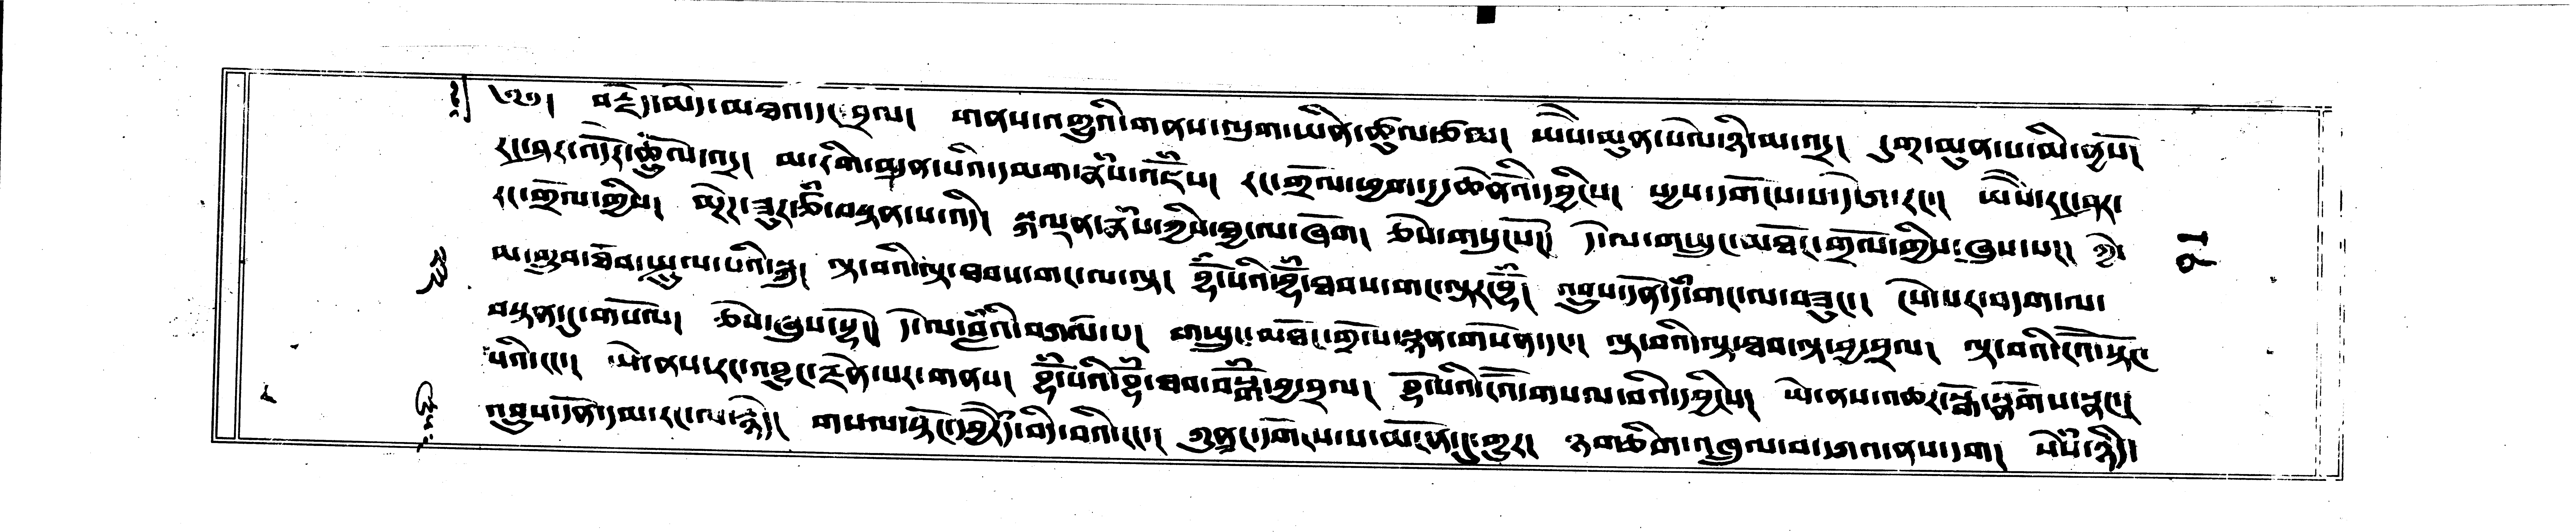བརྗོད་མེད་མཐའ་དང་བྲལ། གནས་འགྱུའི་གནས་ལུགས་ཡིན་ཚུལ་ཙམ། ཡེ་ཤེས་མུན་སེལ་ཉི་མ་འདྲ། དུག་ལྔ་མུན་པ་མི་གནས་སོ།
 རང་ཤར་འོད་ཟེར་ཆོ་འཕྲུལ་འདྲ། མ་རིག་མུན་པའི་དམག་ཚོགས་རྣམས། རང་གྲོལ་ཕྱག་རྒྱ་ཆེན་པོའི་དབྱིངས། སངས་རྒྱས་དགོངས་པ་དེ་ཀ་རང་། ཡེ་ཤེས་རང་ཤར་
རང་གྲོལ་གྱིས། མན་ངག་ཟུར་ཙམ་བསྟན་པ་འདི། སྐལ་ལྡན་རྣམས་ཀྱི་ཐུགས་ལ་ཞོག །ཅེས་གསུངས་སོ། །དེ་ལ་གཡུང་དྲུང་མཐོང་གྲོལ་གྱིས་ཞུས་པ། ཀྱེ་
མ་གྲུབ་ཐོབ་སྤྲུལ་པའི་སྐུ། ལྟ་བའི་ལྟ་ཐབས་གང་ལ་བལྟ། བསྒོམ་པའི་སྒོམ་ཐབས་གང་ལྟར་བསྒོམ། འབྲས་བུ་དོན་དམ་གང་ལ་བཟུང་། ངེས་པར་བདག་ལ་
བསྟན་དུ་གསོལ། ཅེས་ཞུས་སོ། །དེ་ལ་བླ་མས་བཀའ་སྩལ་པ། གཡུང་དྲུང་མཐོང་གྲོལ་སྙན་གསོན་དང་། ལྟ་བའི་ལྟ་ཐབས་བལྟ་བྱ་བྲལ། ལྟ་བའི་ངོ་བོ་སྟོང་
པའི་ངང་། ཡེ་ནས་རང་བྱུང་རྗེན་པར་གནས། བསྒོམ་པའི་སྒོམ་ཐབས་བསྒོམ་བྱ་བྲལ། སྒོམ་པའི་ངོ་བོ་གསལ་བའི་དབྱིངས། ཡེ་ནས་འཆར་སྒོ་སྣ་ཚོགས་སྣང་། 
འབྲས་བུ་དོན་དམ་རང་ལ་རྙེད། གསལ་སྟོང་དབྱེར་མེད་བདེ་བའི་ངང་། ཀུན་བཟང་དགོངས་པ་མངོན་དུ་གྱུར། ཉག་གཅིག་འཁྲུལ་པ་ཀ་ནས་དག སེམས་ཉིད་